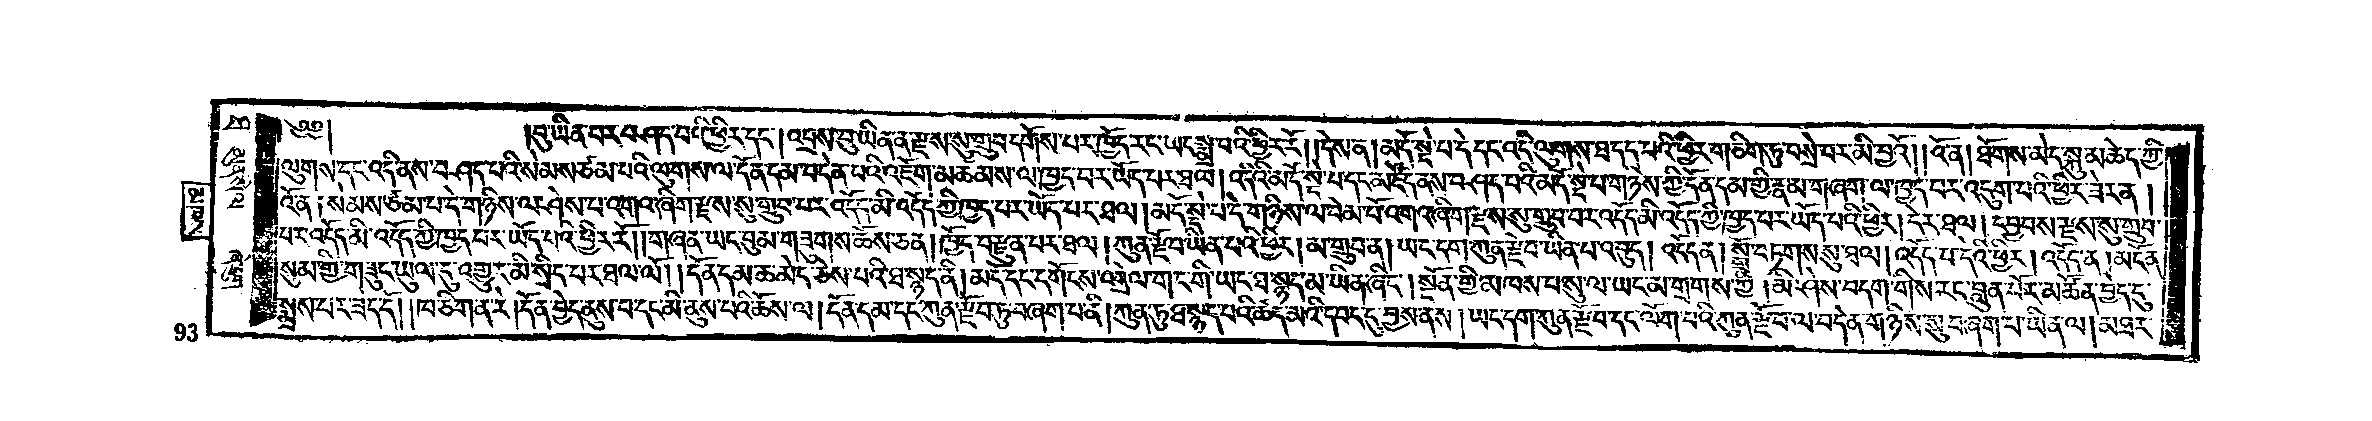༄༅། །བུ་ཡིན་པར་བཤད་པའི་ཕྱིར་དང་། འབྲས་བུ་ཡིན་ན་རྗེས་སུ་གྲུབ་དགོས་པར་ཁྱོད་རང་ཡང་སྨྲ་བའི་ཕྱིར་རོ། །དེས་ན། མདོ་སྡེ་པ་དེ་དང་འདི་ལུགས་ཐ་དད་པའི་ཕྱིར་གཅིག་ཏུ་བསྲེ་བར་མི་བྱའོ། །འོ་ན། ཐོགས་མེད་སྐུ་མཆེད་ཀྱི་
ལུགས་དང་འདི་ནས་བཤད་པའི་སེམས་ཙམ་པའི་ལུགས་ལ་དོན་དམ་བདེན་པའི་འཇོག་མཚམས་ལ་ཁྱད་པར་ཡོད་པར་ཐལ། འདིའི་མདོ་སྡེ་པ་དང་མཛོད་ནས་བཤད་པའི་མདོ་སྡེ་པ་གཉིས་ཀྱི་དོན་དམ་གྱི་རྣམ་གཞག་ལ་ཁྱད་པར་འདུག་པའི་ཕྱིར་ཟེར་ན།
འོ་ན༑ སེམས་ཙམ་པ་དེ་གཉིས་ལ་ཤེས་པ་འགའ་ཞིག་རྫས་སུ་གྲུབ་པར་འདོད་མི་འདོད་ཀྱི་ཁྱད་པར་ཡོད་པར་ཐལ། མདོ་སྡེ་པ་དེ་གཉིས་ལ་བེམ་པོ་འགའ་ཞིག་རྫས་སུ་གྲུབ་པར་འདོད་མི་འདོད་ཀྱི་ཁྱད་པར་ཡོད་པའི་ཕྱིར། དེར་ཐལ། དབྱིབས་རྫས་སུ་གྲུབ་
པར་འདོད་མི་འདོད་ཀྱི་ཁྱད་པར་ཡོད་པའི་ཕྱིར་རོ། །གཞན་ཡང་བུམ་གཟུགས་ཆོས་ཅན། ཁྱོད་བརྫུན་པར་ཐལ། ཀུན་རྫོབ་ཡིན་པའི་ཕྱིར། མ་གྲུབ་ན། ཡང་དག་ཀུན་རྫོབ་ཡིན་པ་འབུད། འདོད་ན། སྒྲོ་བཏགས་སུ་ཐལ། འདོད་པ་དེའི་ཕྱིར། འདོད་ན། མངོན་
སུམ་གྱི་གཟུང་ཡུལ་དུ་འགྱུར་མི་སྲིད་པར་ཐལ་ལོ། །དོན་དམ་ཆ་མེད་ཅེས་པའི་ཐ་སྙད་ནི། མདོ་དང་དགོངས་འགྲེལ་གང་གི་ཡང་ཐ་སྙད་མ་ཡིན་ཞིང་། སྔོན་གྱི་མཁས་པ་སུ་ལ་ཡང་མ་གྲགས་ཀྱི། མི་ཤེས་བདག་གིས་རང་བླུན་པོར་མཚོན་བྱེད་དུ་
སྨྲས་པར་ཟད་དོ། །ཁ་ཅིག་ན་རེ། དོན་བྱེད་ནུས་པ་དང་མི་ནུས་པའི་ཆོས་ལ། དོན་དམ་དང་ཀུན་རྫོབ་ཏུ་བཞག་པ་ནི། ཀུན་ཏུ་ཐ་སྙད་པའི་ཆེད་མའི་དབང་དུ་བྱས་ནས། ཡང་དག་ཀུན་རྫོབ་དང་ལོག་པའི་ཀུན་རྫོབ་ལ་བདེན་གཉིས་སུ་བཞག་པ་ཡིན་ལ། མཐར་